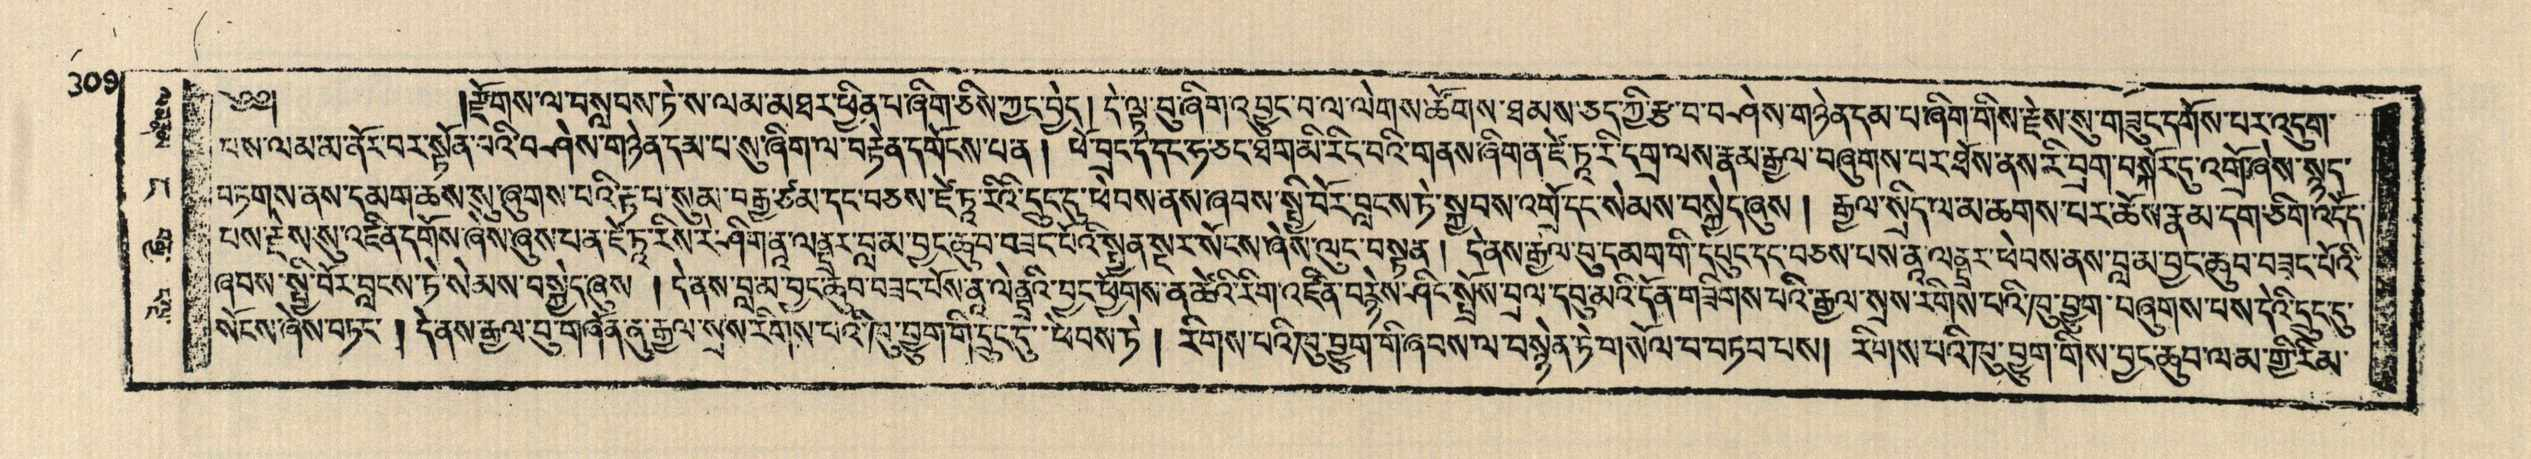༄༅། །རྫོགས་ལ་བསླབས་ཏེ་ས་ལམ་མཐར་ཕྱིན་པ་ཞིག་ཅིས་ཀྱང་བྱེད། དེ་ལྟ་བུ་ཞིག་འབྱུང་བ་ལ་ལེགས་ཚོགས་ཐམས་ཅད་ཀྱི་རྩ་བ་བཤེས་གཉེན་དམ་པ་ཞིག་གིས་རྗེས་སུ་གཟུང་དགོས་པར་འདུག་
པས་ལམ་མ་ནོར་བར་སྟོན་པའི་བཤེས་གཉེན་དམ་པ་སུ་ཞིག་ལ་བརྟེན་དགོངས་པ་ན། ཕོ་བྲང་དེ་དང་ཧ་ཅང་ཐག་མི་རིང་བའི་གནས་ཞིག་ན་ཛེ་ཏཱ་རི་དགྲ་ལས་རྣམ་རྒྱལ་བཞུགས་པར་ཐོས་ནས་རི་བྲག་བསྐོར་དུ་འགྲོ་ཞེས་སྙད་
བཏགས་ནས་དམག་ཆས་སུ་ཞུགས་པའི་རྟ་པ་སུམ་བརྒྱ་ཙམ་དང་བཅས་ཛེ་ཏཱ་རིའི་དྲུང་དུ་ཕེབས་ནས་ཞབས་སྤྱི་བོར་བླངས་ཏེ་སྐྱབས་འགྲོ་དང་སེམས་བསྐྱེད་ཞུས། རྒྱལ་སྲིད་ལ་མ་ཆགས་པར་ཆོས་རྣམ་དག་ཅིག་འདོད་
པས་རྗེས་སུ་འཛིན་དགོས་ཞེས་ཞུས་པ་ན་ཛེ་ཏཱ་རིས་རེ་ཤིག་ནཱ་ལནྡྲར་བླ་མ་བྱང་ཆུབ་བཟང་པོའི་སྤྱན་སྔར་སོངས་ཞེས་ལུང་བསྟན། དེ་ནས་རྒྱལ་བུ་དམག་གི་དཔུང་དང་བཅས་པས་ནཱ་ལནྡྲར་ཕེབས་ནས་བླ་མ་བྱང་ཆུབ་བཟང་པོའི་
ཞབས་སྤྱི་བོར་བླངས་ཏེ་སེམས་བསྐྱེད་ཞུས་།དེ་ནས་བླ་མ་བྱང་ཆུབ་བཟང་པོས་ནཱ་ལེནྡྲའི་བྱང་ཕྱོགས་ན་ཚེའི་རིག་འཛིན་བརྙེས་ཤིང་སྤྲོས་བྲལ་དབུ་མའི་དོན་གཟིགས་པའི་རྒྱལ་སྲས་རིགས་པའི་ཁུ་བྱུག་བཞུགས་པས་དེའི་དྲུང་དུ་
སོངས་ཞེས་བཏང་།དེ་ནས་རྒྱལ་བུ་གཞོན་ནུ་རྒྱལ་སྲས་རིགས་པའི་ཁུ་བྱུག་གི་དྲུང་དུ་ཕེབས་ཏེ། རིགས་པའི་ཁུ་བྱུག་གི་ཞབས་ལ་བསྙེན་ཏེ་གསོལ་བ་བཏབ་པས། རིགས་པའི་ཁུ་བྱུག་གིས་བྱང་ཆུབ་ལམ་གྱི་རིམ་